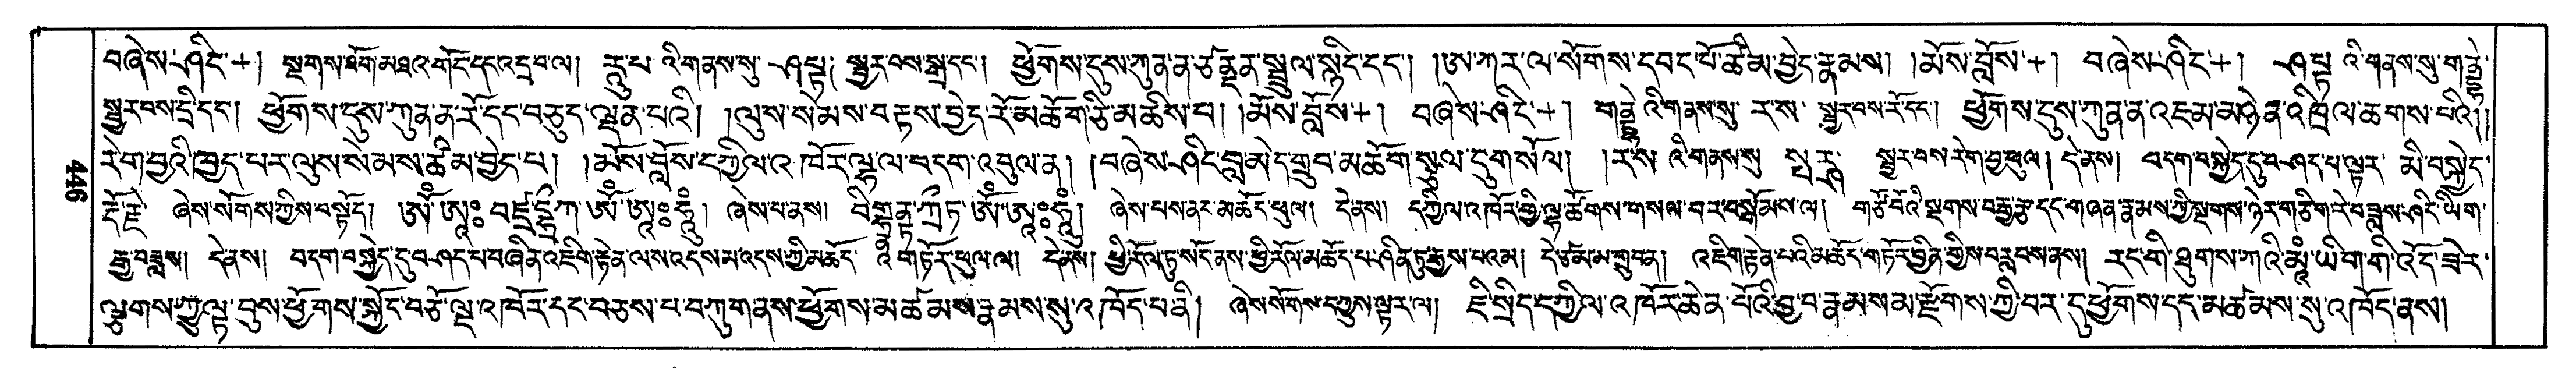བཞེས་ཤིང་+། སྔགས་ཐོག་མཐའ་གོང་དང་འདྲ་བ་ལ། རཱུ་པའི་གནས་སུ་ཤཔྟ། སྦྱར་བས་སྒྲ་དང་། ཕྱོགས་དུས་ཀུན་ན་ཙནྡན་སྤྲུལ་སྙིང་དང་། །ཨ་ཀར་ལ་སོགས་དབང་པོ་ཚིམ་བྱེད་རྣམས། །མོས་བློས་+། བཞེས་ཤིང་+། ཤཔྟའི་གནས་སུ། གནྡྷེ་
སྦྱར་བས་དྲི་དང་། ཕྱོགས་དུས་ཀུན་ན་རོ་དང་བཅུད་ལྡན་པའི། །ལུས་སེམས་བརྟས་བྱེད་རོ་མཆོག་ཅི་མཆིས་པ། །མོས་བློས་+། བཞེས་ཤིང་+། གནྡྷེའི་གནས་སུ་རས་སྦྱར་བས་རོ་དང་། ཕྱོགས་དུས་ཀུན་ན་འཇམ་མཉེན་འཁྲིལ་ཆགས་པའི།།
རེག་བྱའི་ཁྱད་པར་ལུས་སེམས་ཚིམ་བྱེད་པ། །མོས་བློས་དཀྱིལ་འཁོར་ལྷ་ལ་བདག་འབུལ་ན། །བཞེས་ཤིང་བླ་མེད་གྲུབ་མཆོག་སྩལ་དུ་གསོལ། །ར་སའི་གནས་སུ་སྤརྴ་སྦྱར་བས་རེག་བྱ་ཕུལ། དེ་ནས། བདག་བསྐྱེད་དུ་བཤད་པ་ལྟར་མི་བསྐྱོད་
རྡོ་རྗེ་ཞེས་སོགས་ཀྱིས་བསྟོད། ཨོཾ་ཨཱཿ བཛྲ་དྷྲྀཀ་ཨོཾ་ཨཱཿ ཧཱུཾ། ཞེས་པ་ནས། བིགྷྣཱནྟ་ཀྲྀཏ་ཨོཾ་ཨཱཿ ཧཱུཾ། ཞེས་པས་ནང་མཆོད་ཕུལ། དེ་ནས། དཀྱིལ་འཁོར་གྱི་ལྷ་ཚོགས་གསལ་བར་བསྒོམས་ལ། གཙོ་བོའི་སྔགས་བརྒྱ་རྩ་དང་གཞན་རྣམས་ཀྱི་སྔགས་ཉེར་གཅིག་རེ་བཟླས་ཤིང་ཡིག་
བརྒྱ་བཟླས། དེ་ནས། བདག་བསྐྱེད་དུ་བཤད་པ་བཞིན་འཇིག་རྟེན་ལས་འདས་མ་འདས་ཀྱི་མཆོད་གཏོར་ཕུལ་ལ། དེ་ནས། ཕྱི་རོལ་ཏུ་སོང་ནས་ཕྱི་རོལ་མཆོད་པ་ཤིན་ཏུ་རྒྱས་པའམ། དེ་ཙམ་མ་གྲུབ་ན། འཇིག་རྟེན་པའི་མཆོད་གཏོར་བྱིན་གྱིས་བརླབས་ནས། རང་གི་ཐུགས་ཀའི་མཱཾ་ཡིག་གི་འོད་ཟེར་
ལྕགས་ཀྱུ་ལྟ་བུས་ཕྱོགས་སྐྱོང་བཅོ་ལྔ་འཁོར་དང་བཅས་པ་བཀུག་ནས་ཕྱོགས་མཚམས་རྣམས་སུ་འཁོད་པ་ནི། ཞེས་སོགས་དཀྱུས་ལྟར་ལ། ཇི་སྲིད་དཀྱིལ་འཁོར་ཆེན་པོའི་བྱ་བ་རྣམས་མ་རྫོགས་ཀྱི་བར་དུ་ཕྱོགས་དང་མཚམས་སུ་འཁོད་ནས་